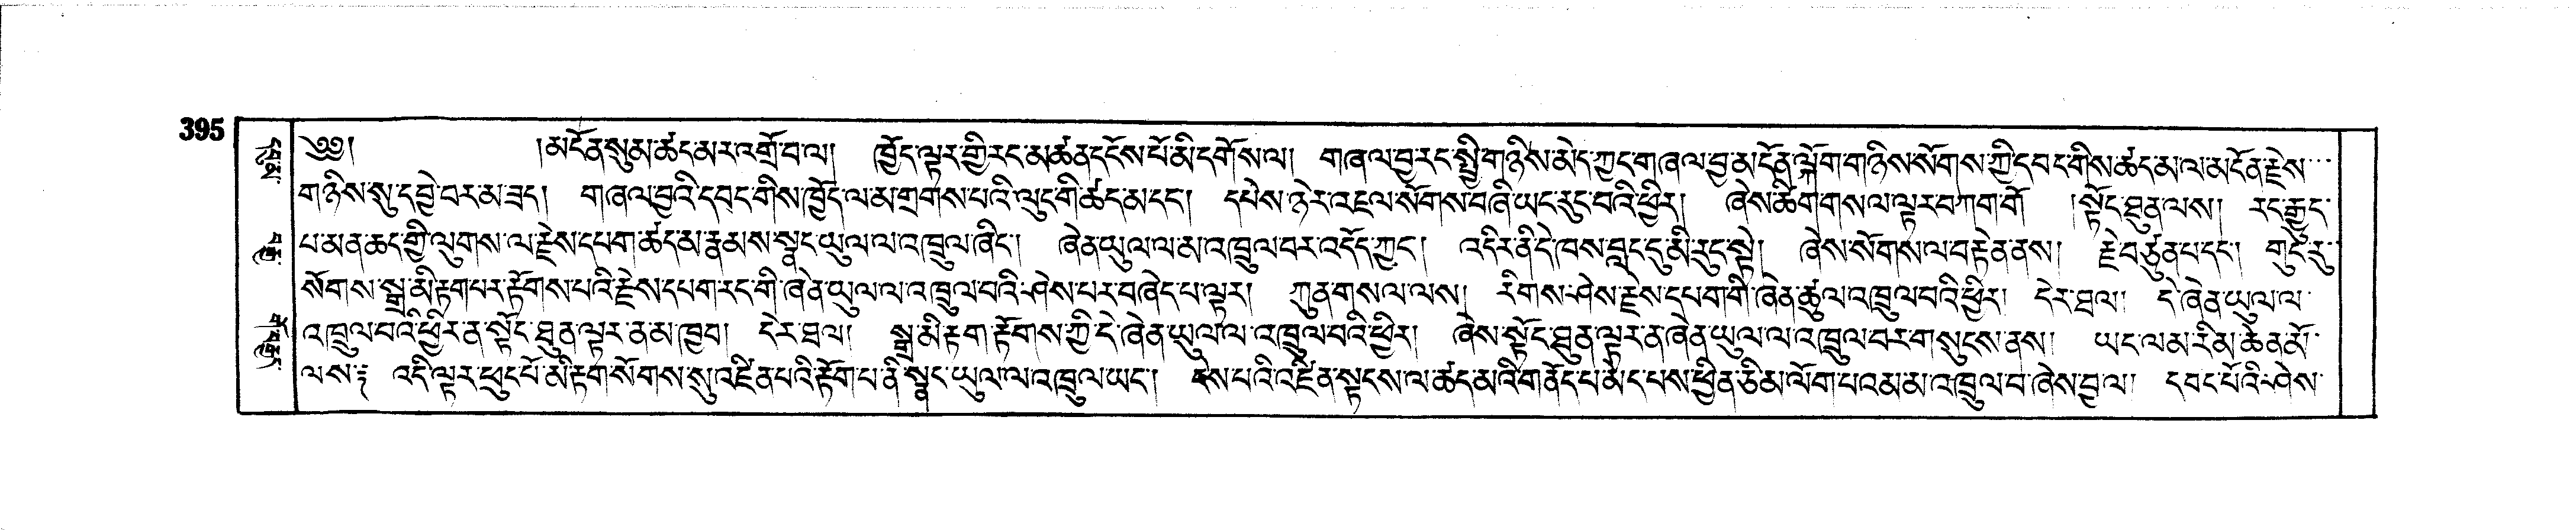༄༅། །མངོན་སུམ་ཚད་མར་འགྲོ་བ་ལ། ཁྱོད་ལྟར་གྱི་རང་མཚན་དངོས་པོ་མི་དགོས་ལ། གཞལ་བྱ་རང་སྤྱི་གཉིས་མེད་ཀྱང་གཞལ་བྱ་མངོན་ལྐོག་གཉིས་སོགས་ཀྱི་དབང་གིས་ཚད་མ་ལ་མངོན་རྗེས་
གཉིས་སུ་དབྱེ་བར་མ་ཟད། གཞལ་བྱའི་དབང་གིས་ཁྱོད་ལ་མ་གྲགས་པའི་ལུང་གི་ཚད་མ་དང་། དཔེས་ཉེར་འཇལ་སོགས་བཞི་ཡང་རུང་བའི་ཕྱིར། ཞེས་ཚིག་གསལ་ལྟར་བཀག་གོ །སྟོང་ཐུན་ལས། རང་རྒྱུད་
པ་མན་ཆད་གྱི་ལུགས་ལ་རྗེས་དཔག་ཚད་མ་རྣམས་སྣང་ཡུལ་ལ་འཁྲུལ་ཞིང་། ཞེན་ཡུལ་ལ་མ་འཁྲུལ་བར་འདོད་ཀྱང་། འདིར་ནི་དེ་ཁས་བླང་དུ་མི་རུང་སྟེ། ཞེས་སོགས་ལ་བརྟེན་ནས། རྗེ་བཙུན་པ་དང་། གུང་རུ་
སོགས་སྒྲ་མི་རྟག་པར་རྟོགས་པའི་རྗེས་དཔག་རང་གི་ཞེན་ཡུལ་ལ་འཁྲུལ་བའི་ཤེས་པར་བཞེད་པ་ལྟར། ཀུན་གསལ་ལས། རིགས་ཤེས་རྗེས་དཔག་གི་ཞེན་ཚུལ་འཁྲུལ་བའི་ཕྱིར། དེར་ཐལ། དེ་ཞེན་ཡུལ་ལ་
འཁྲུལ་བའི་ཕྱིར་ན་སྟོང་ཐུན་ལྟར་ན་མ་ཁྱབ། དེར་ཐལ། སྒྲ་མི་རྟག་རྟོགས་ཀྱི་དེ་ཞེན་ཡུལ་ལ་འཁྲུལ་བའི་ཕྱིར། ཞེས་སྟོང་ཐུན་ལྟར་ན་ཞེན་ཡུལ་ལ་འཁྲུལ་བར་གསུངས་ནས། ཡང་ལམ་རིམ་ཆེན་མོ་
ལས། འདི་ལྟར་ཕུང་པོ་མི་རྟག་སོགས་སུ་འཛིན་པའི་རྟོག་པ་ནི་སྣང་ཡུལ་ལ་འཁྲུལ་ཡང་། ངེས་པའི་འཛིན་སྟངས་ལ་ཚད་མའི་གནོད་པ་མེད་པས་ཕྱིན་ཅི་མ་ལོག་པའམ་མ་འཁྲུལ་བ་ཞེས་བྱ་ལ། དབང་པོའི་ཤེས་